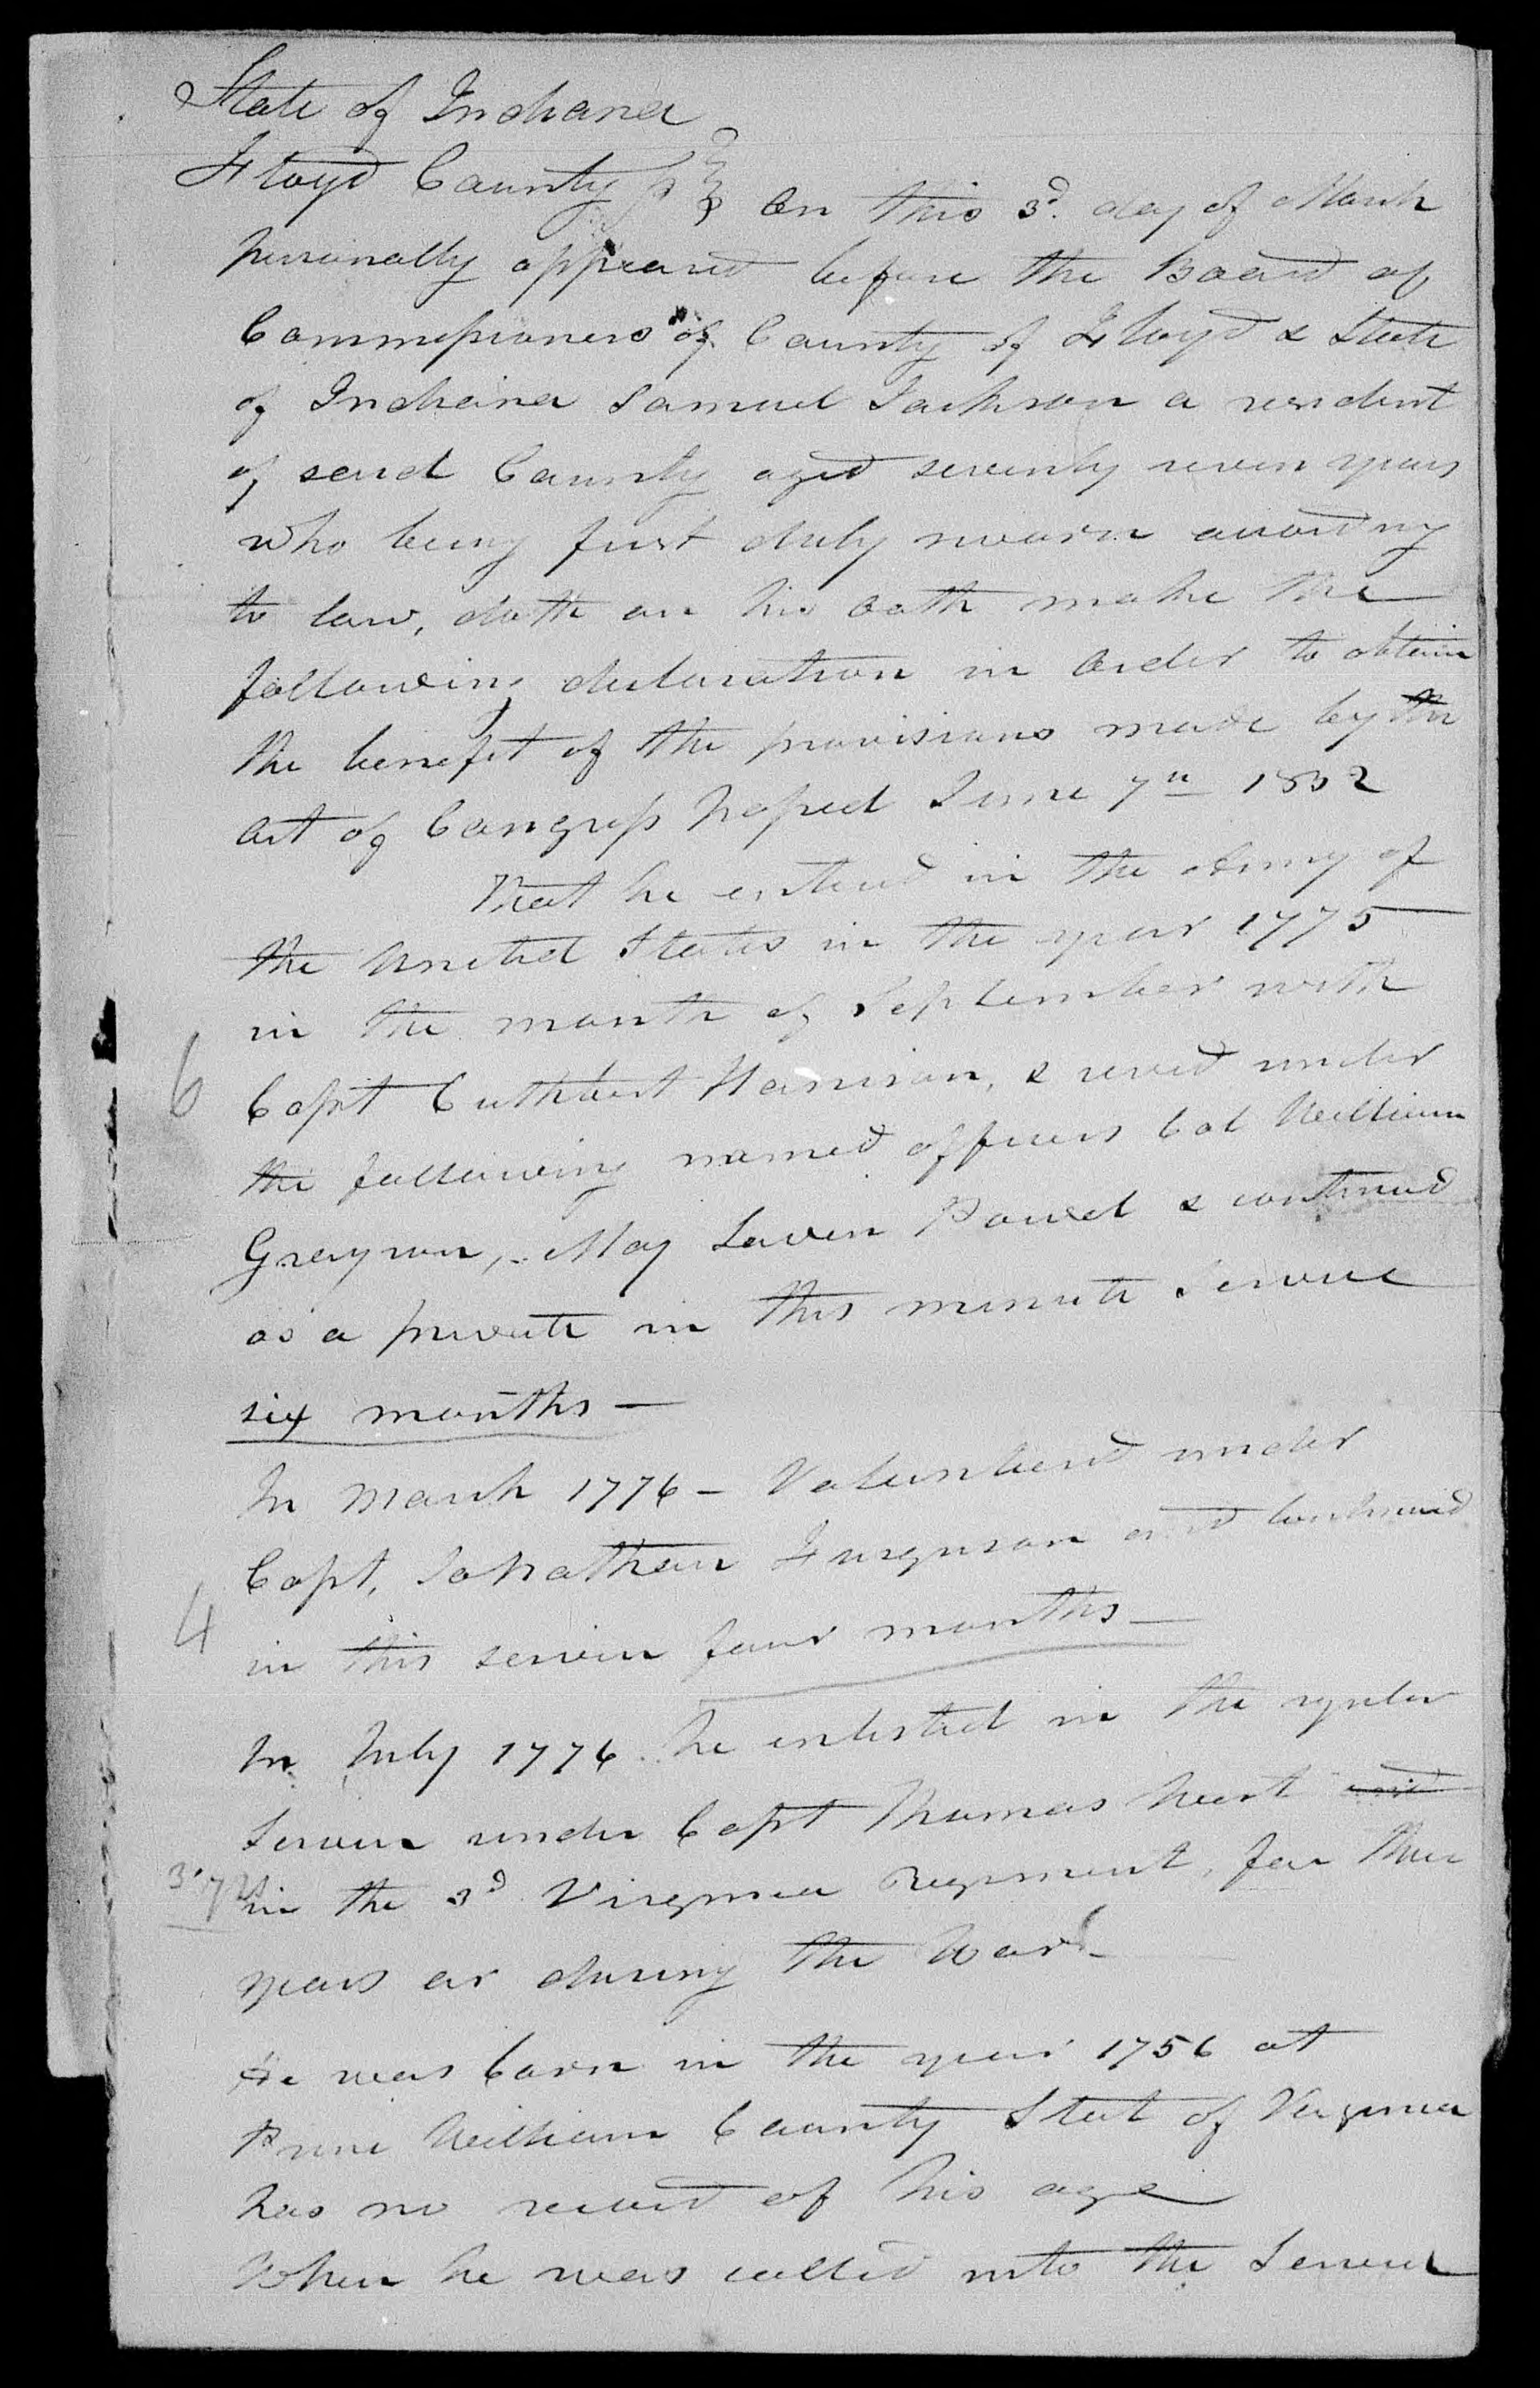State of Indiana
Floyd County        ⎬ On this 3d day of March
personally appeared before the Court of
Commissioners of County of Floyd & State of
Indiana Samuel Jackson a resident
of said County aged seventy seven years
who being first duly sworn according
to law, doth on his oath make the
following declaration in order to obtain
the benefit of the provisions made by the
act of Congress passed June 7th 1832
That he entered in the Army of
the United States in the year 1775
in the month of September with
Capt Cuthbert Harrison & served under 
the following named officers Col William
Grayson, Maj Leven Powel & continued
as a private in this minute service
six months
In March 1776 - Volunteered under
Capt. Jonathan Furguson and continued
in this service four months
In July 1776 he enlisted in the regular
service under Capt Thomas West [crossed out, illegible]
his the 3d Virginia regiment, for three
years or during the war
He was born in the year 1756 at
Prince William County State of Virginia
has no record of his age
when he was called into the service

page: 8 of 56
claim: rejected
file: R 5529, for Samuel Jackson, Virginia